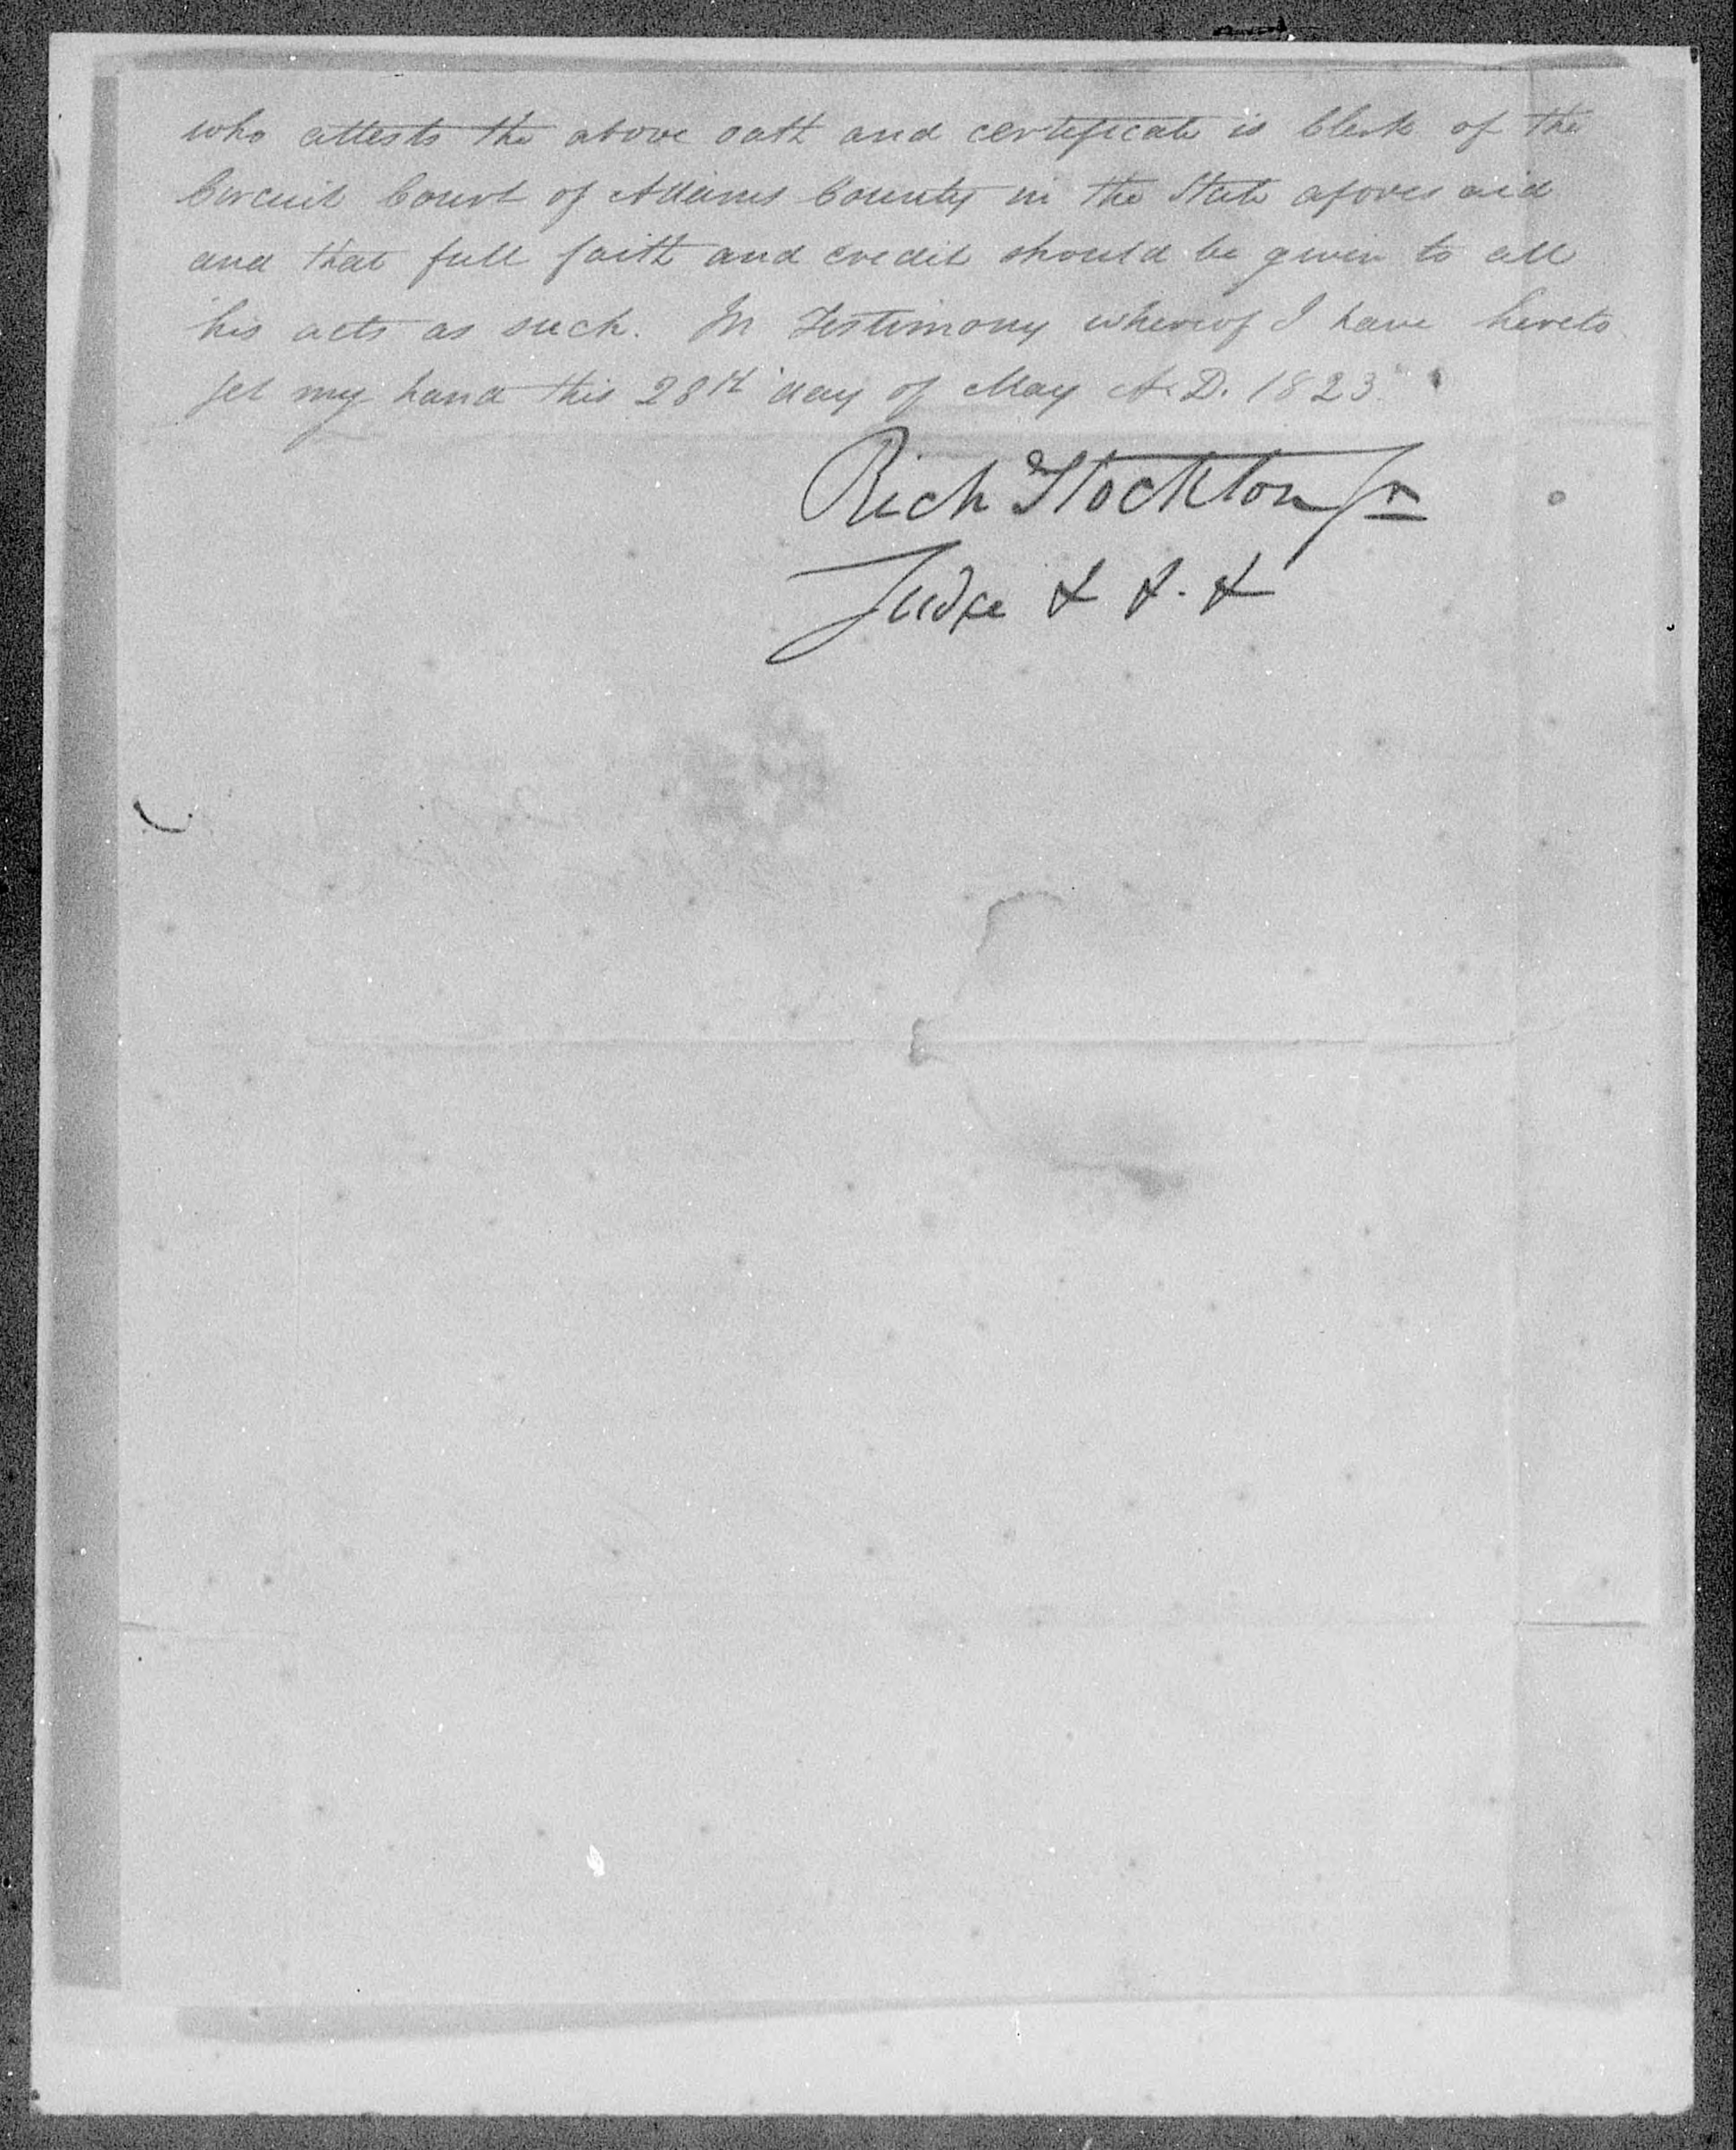who attests the above oath and certificate if Clerk of the Circuit Court of Adams County in the State aforesaid and that full faith and credit should be given to all his acts as such. In Testimony whereof I have hereto set my hand this 28th day of May  A.D. 1823.
Rich. Stockton Jr.
Judge & &.&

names: Rich Stockton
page: 24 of 24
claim: survivor's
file: S. 34903, Benjamin Goodwin, Va.